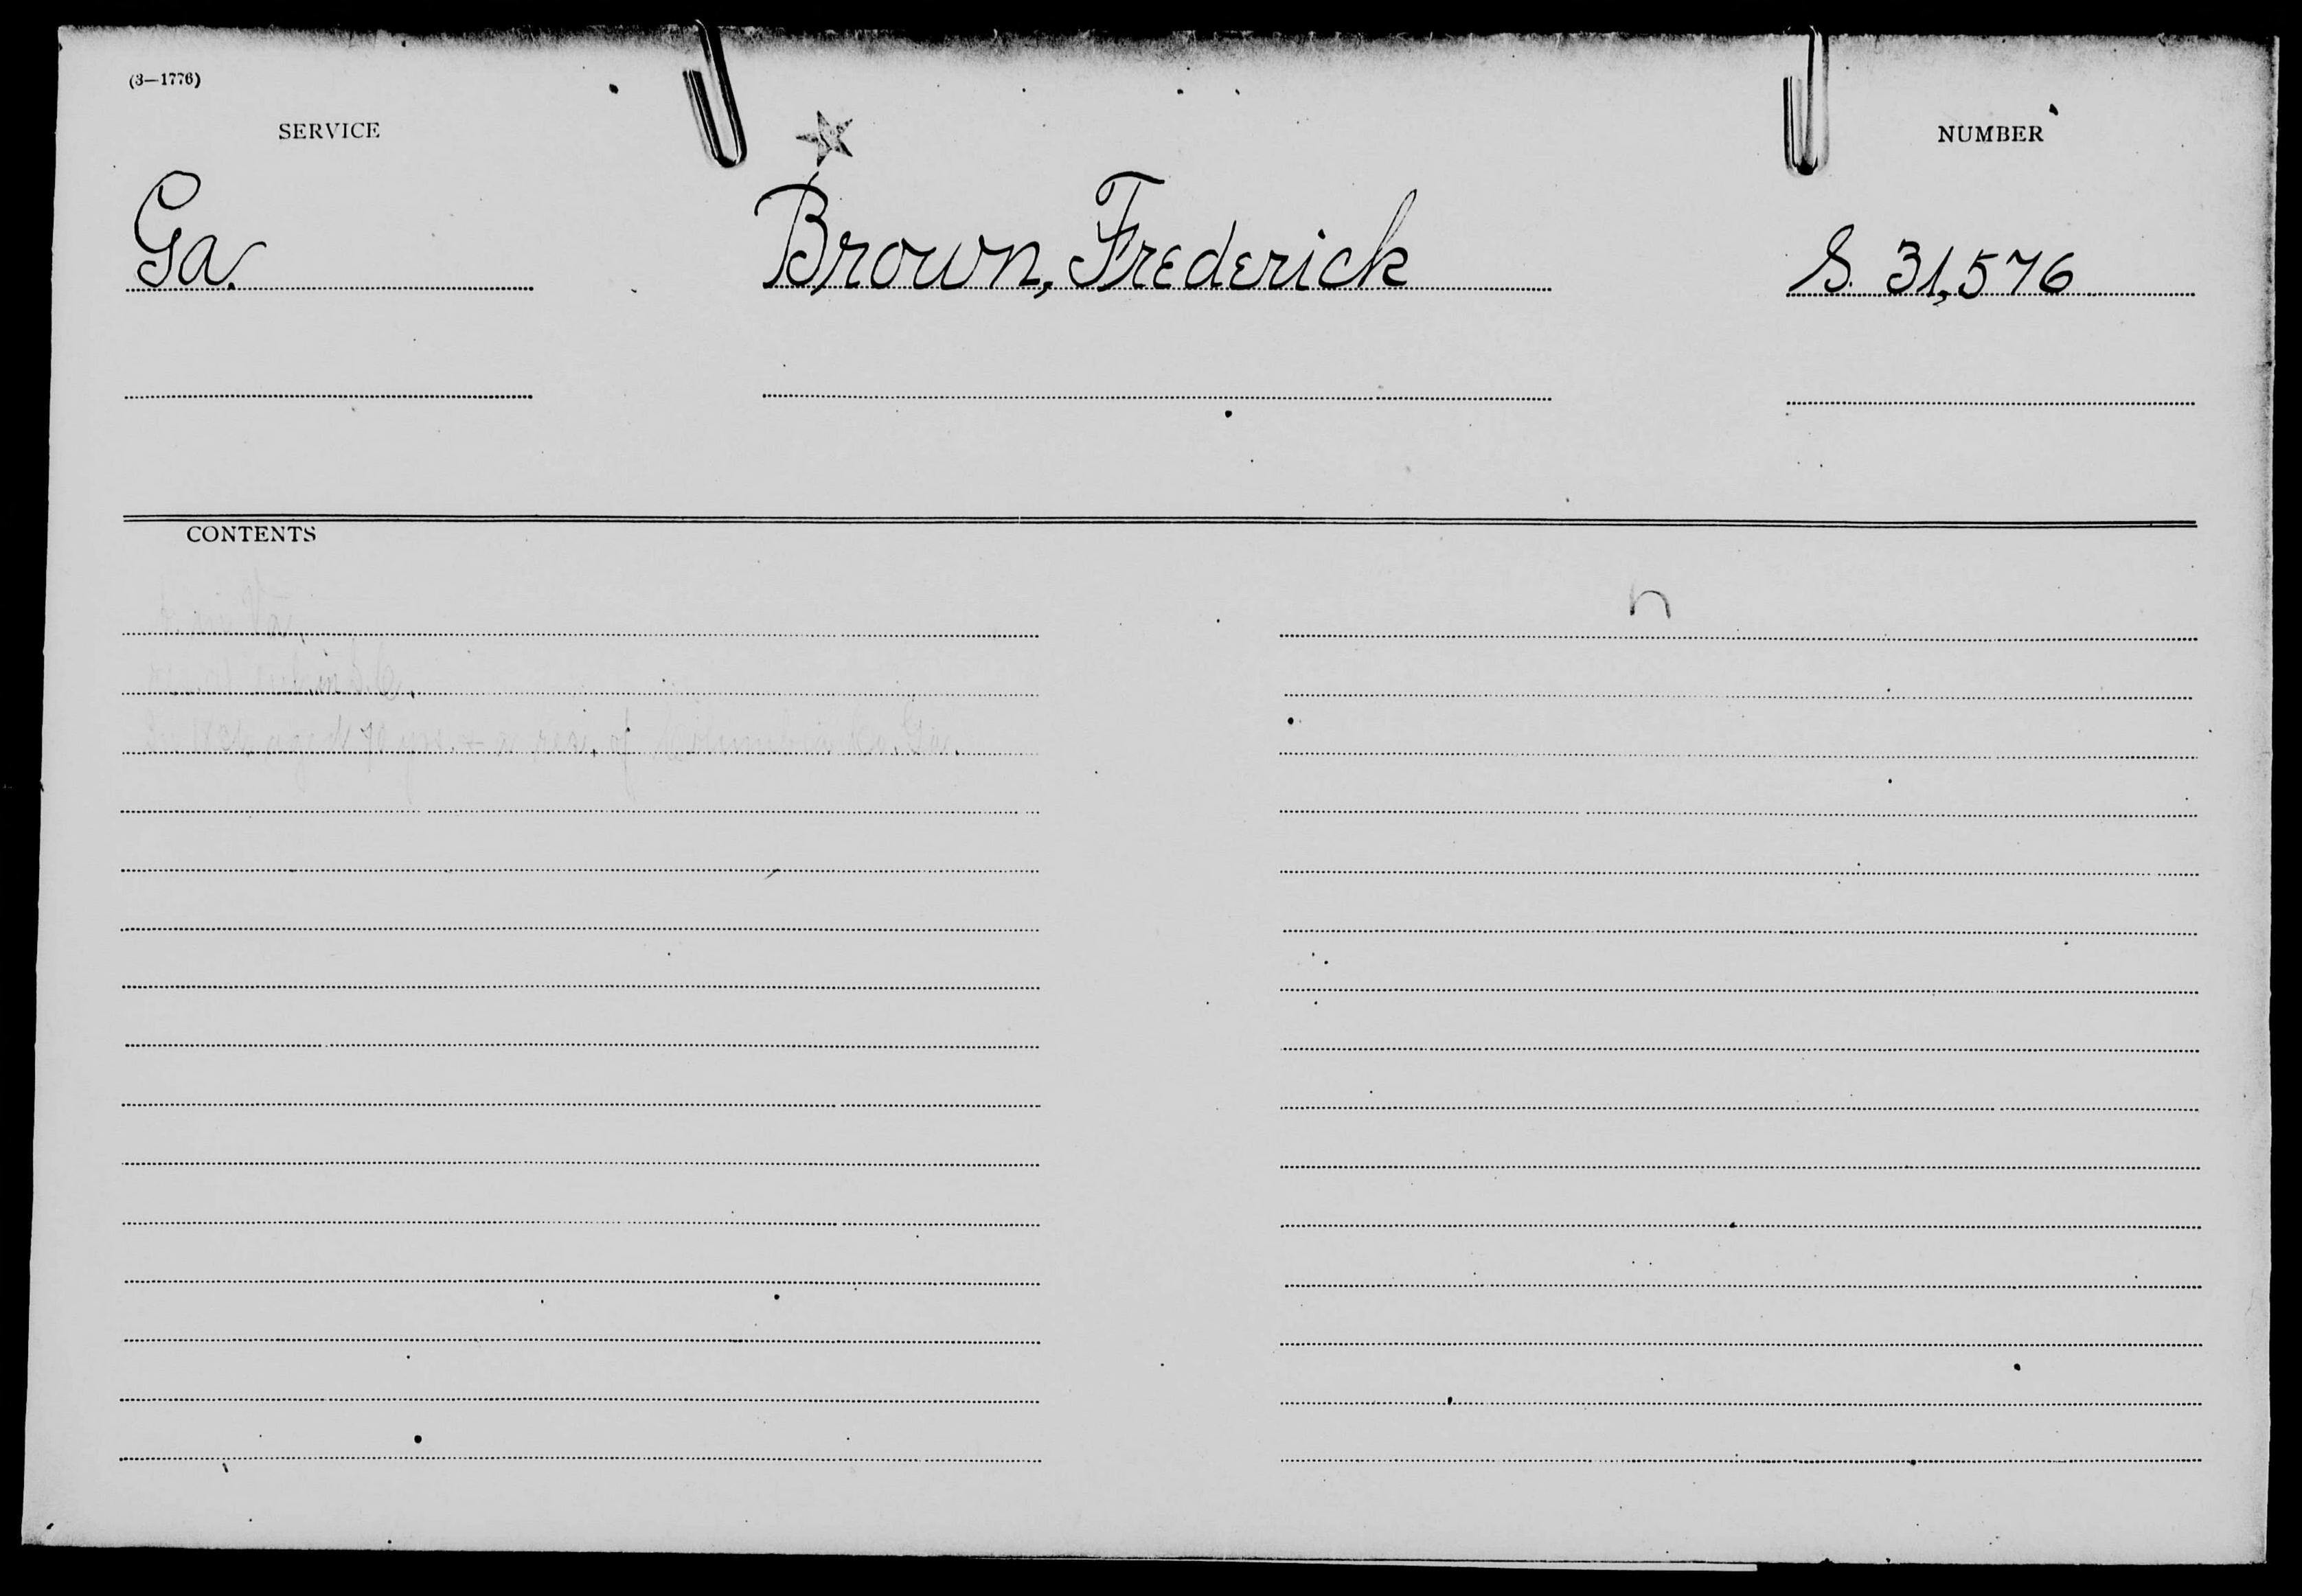Service Ga. Brown, Frederick Number S. 31,576 Contents (none)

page: 1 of 11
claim: survivor's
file: S. 31,576, Frederick Brown, Ga.